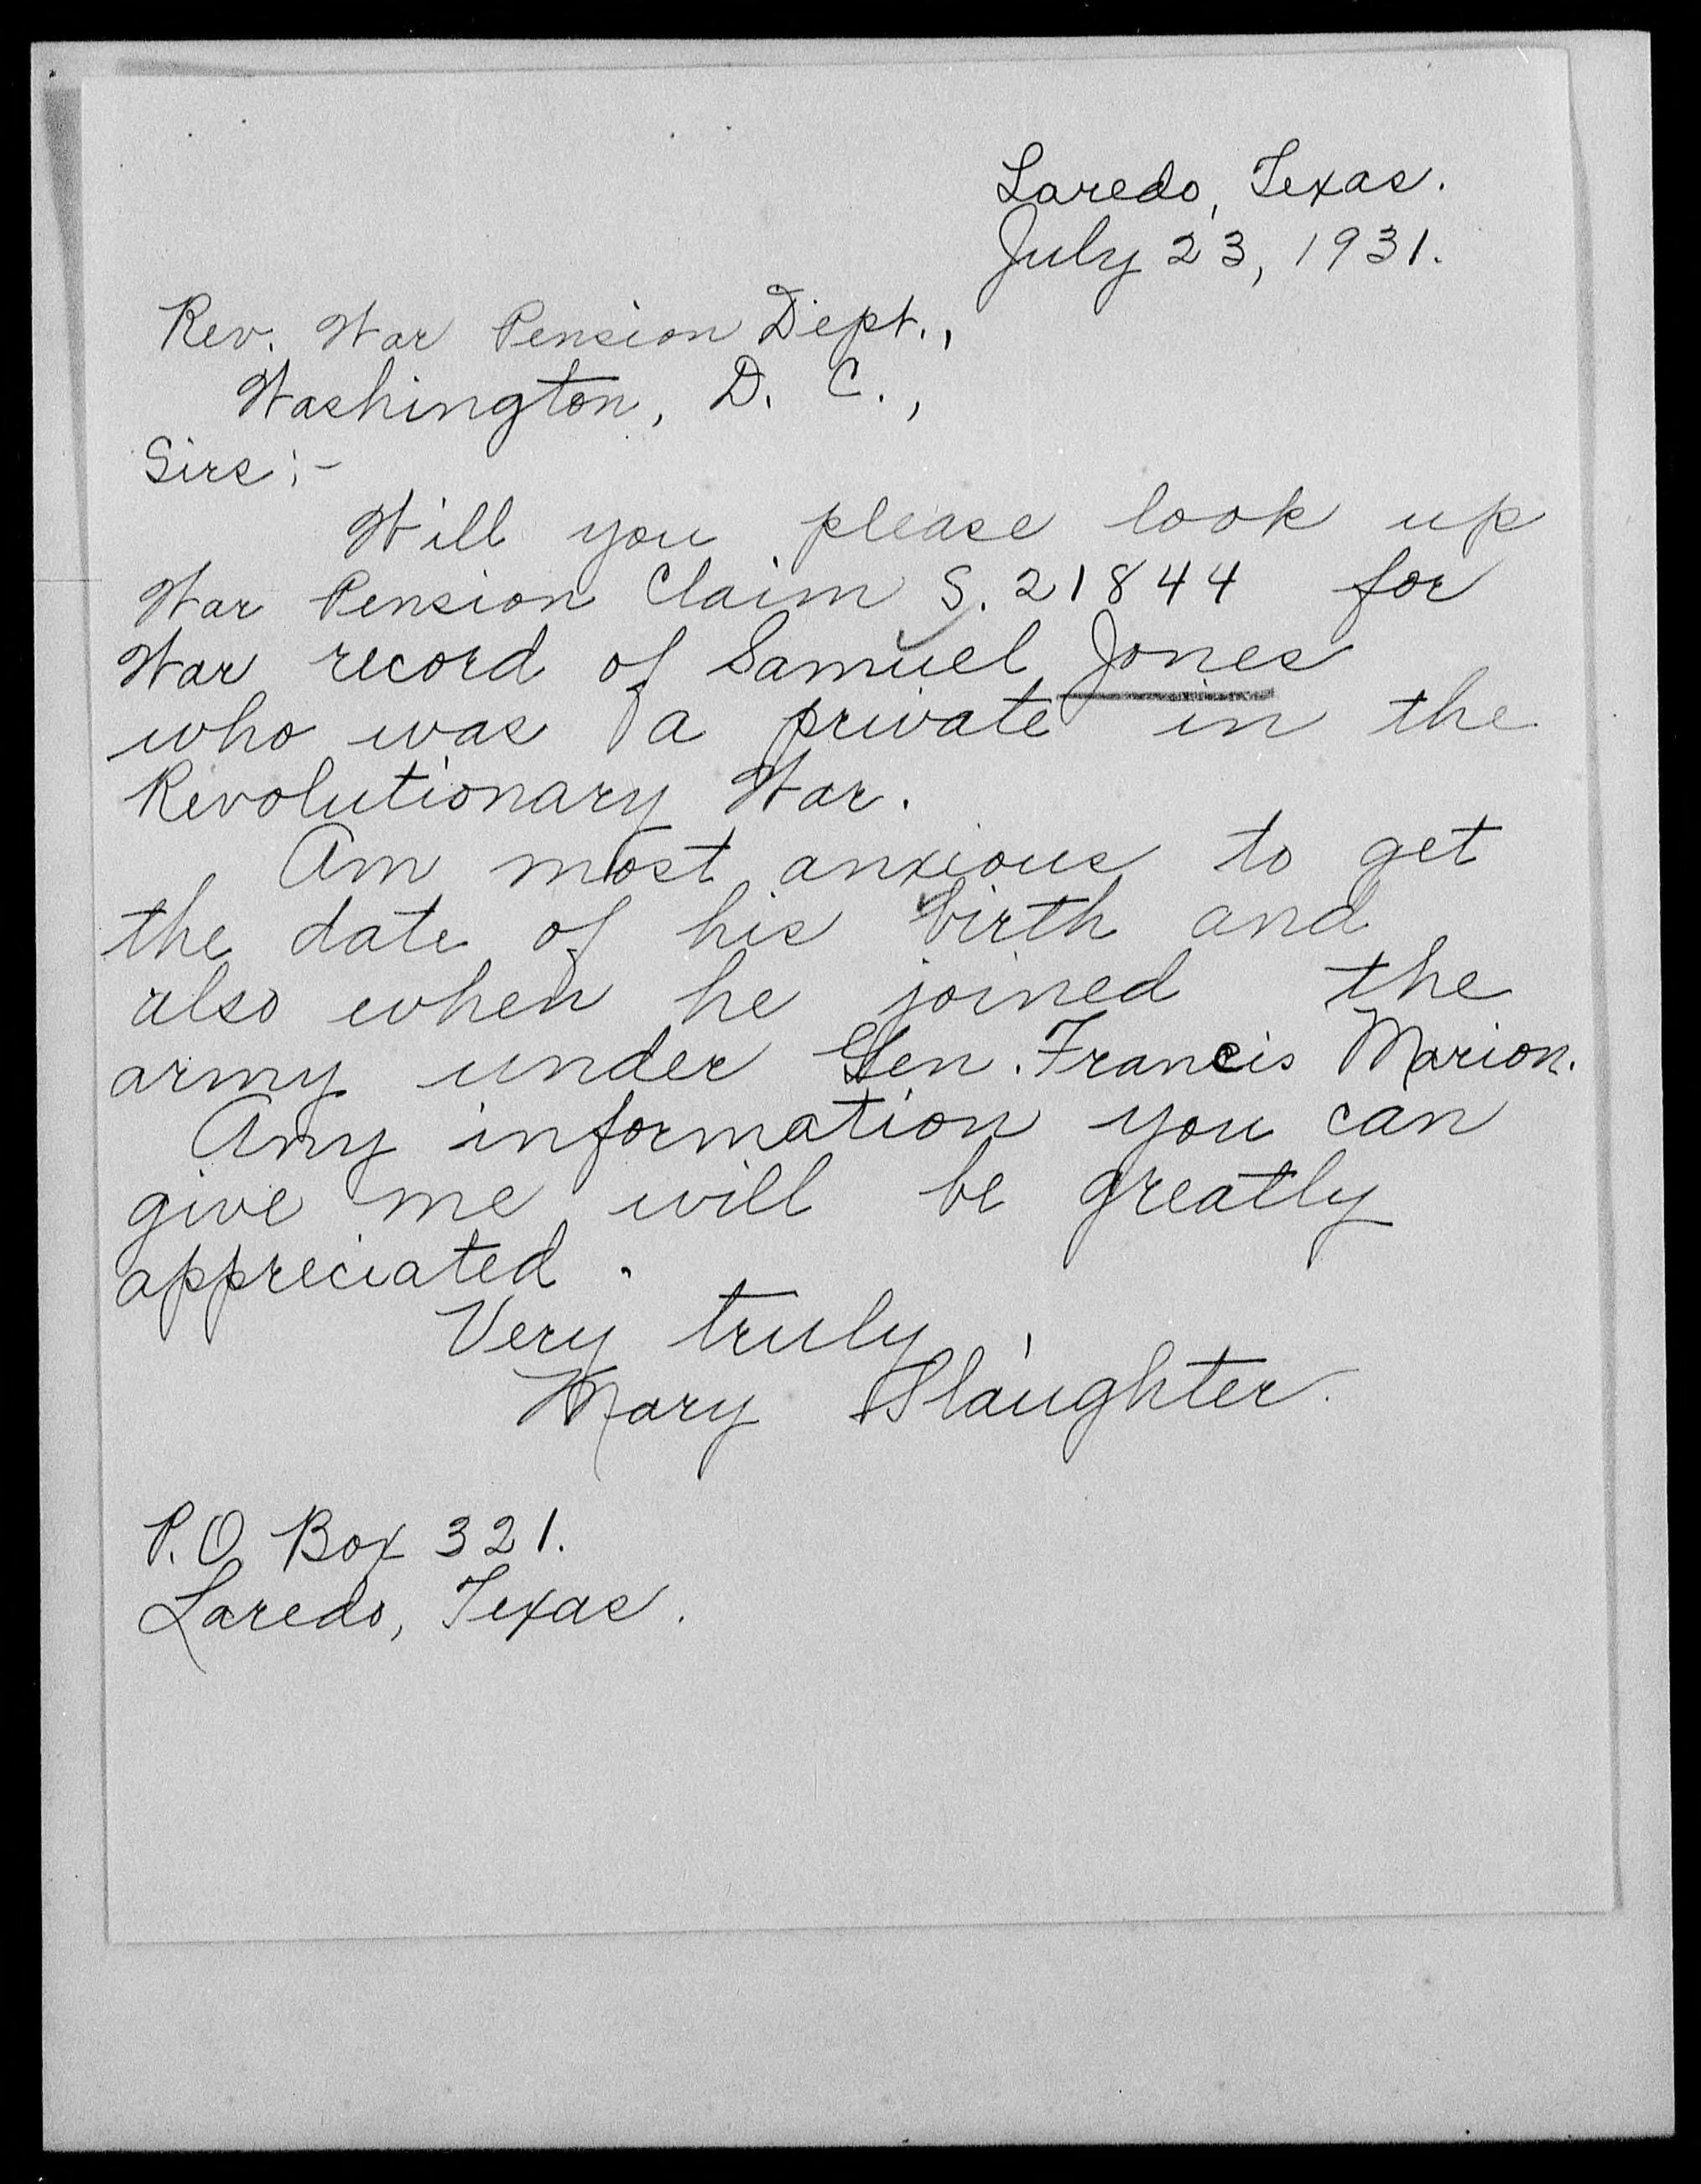Laredo, Texas
July 23, 1931
Rev. War Pension Dept.,
Washington, D. C.
Sirs: -
Will you please look up War Pension Claim S. 21844 for War record of Samuel Jones who was a private in the Revolutionary War. Am most anxious to get the date of his birth and also when he joined the army under Gen Francis Marion. Any information you can give me will be greatly appreciated. Very truly, 
Mary Slaughter
P.O. Box 321
Laredo, Texas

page: 24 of 28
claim: survivor's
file: S. 21844, for Samuel Jones, South Carolina